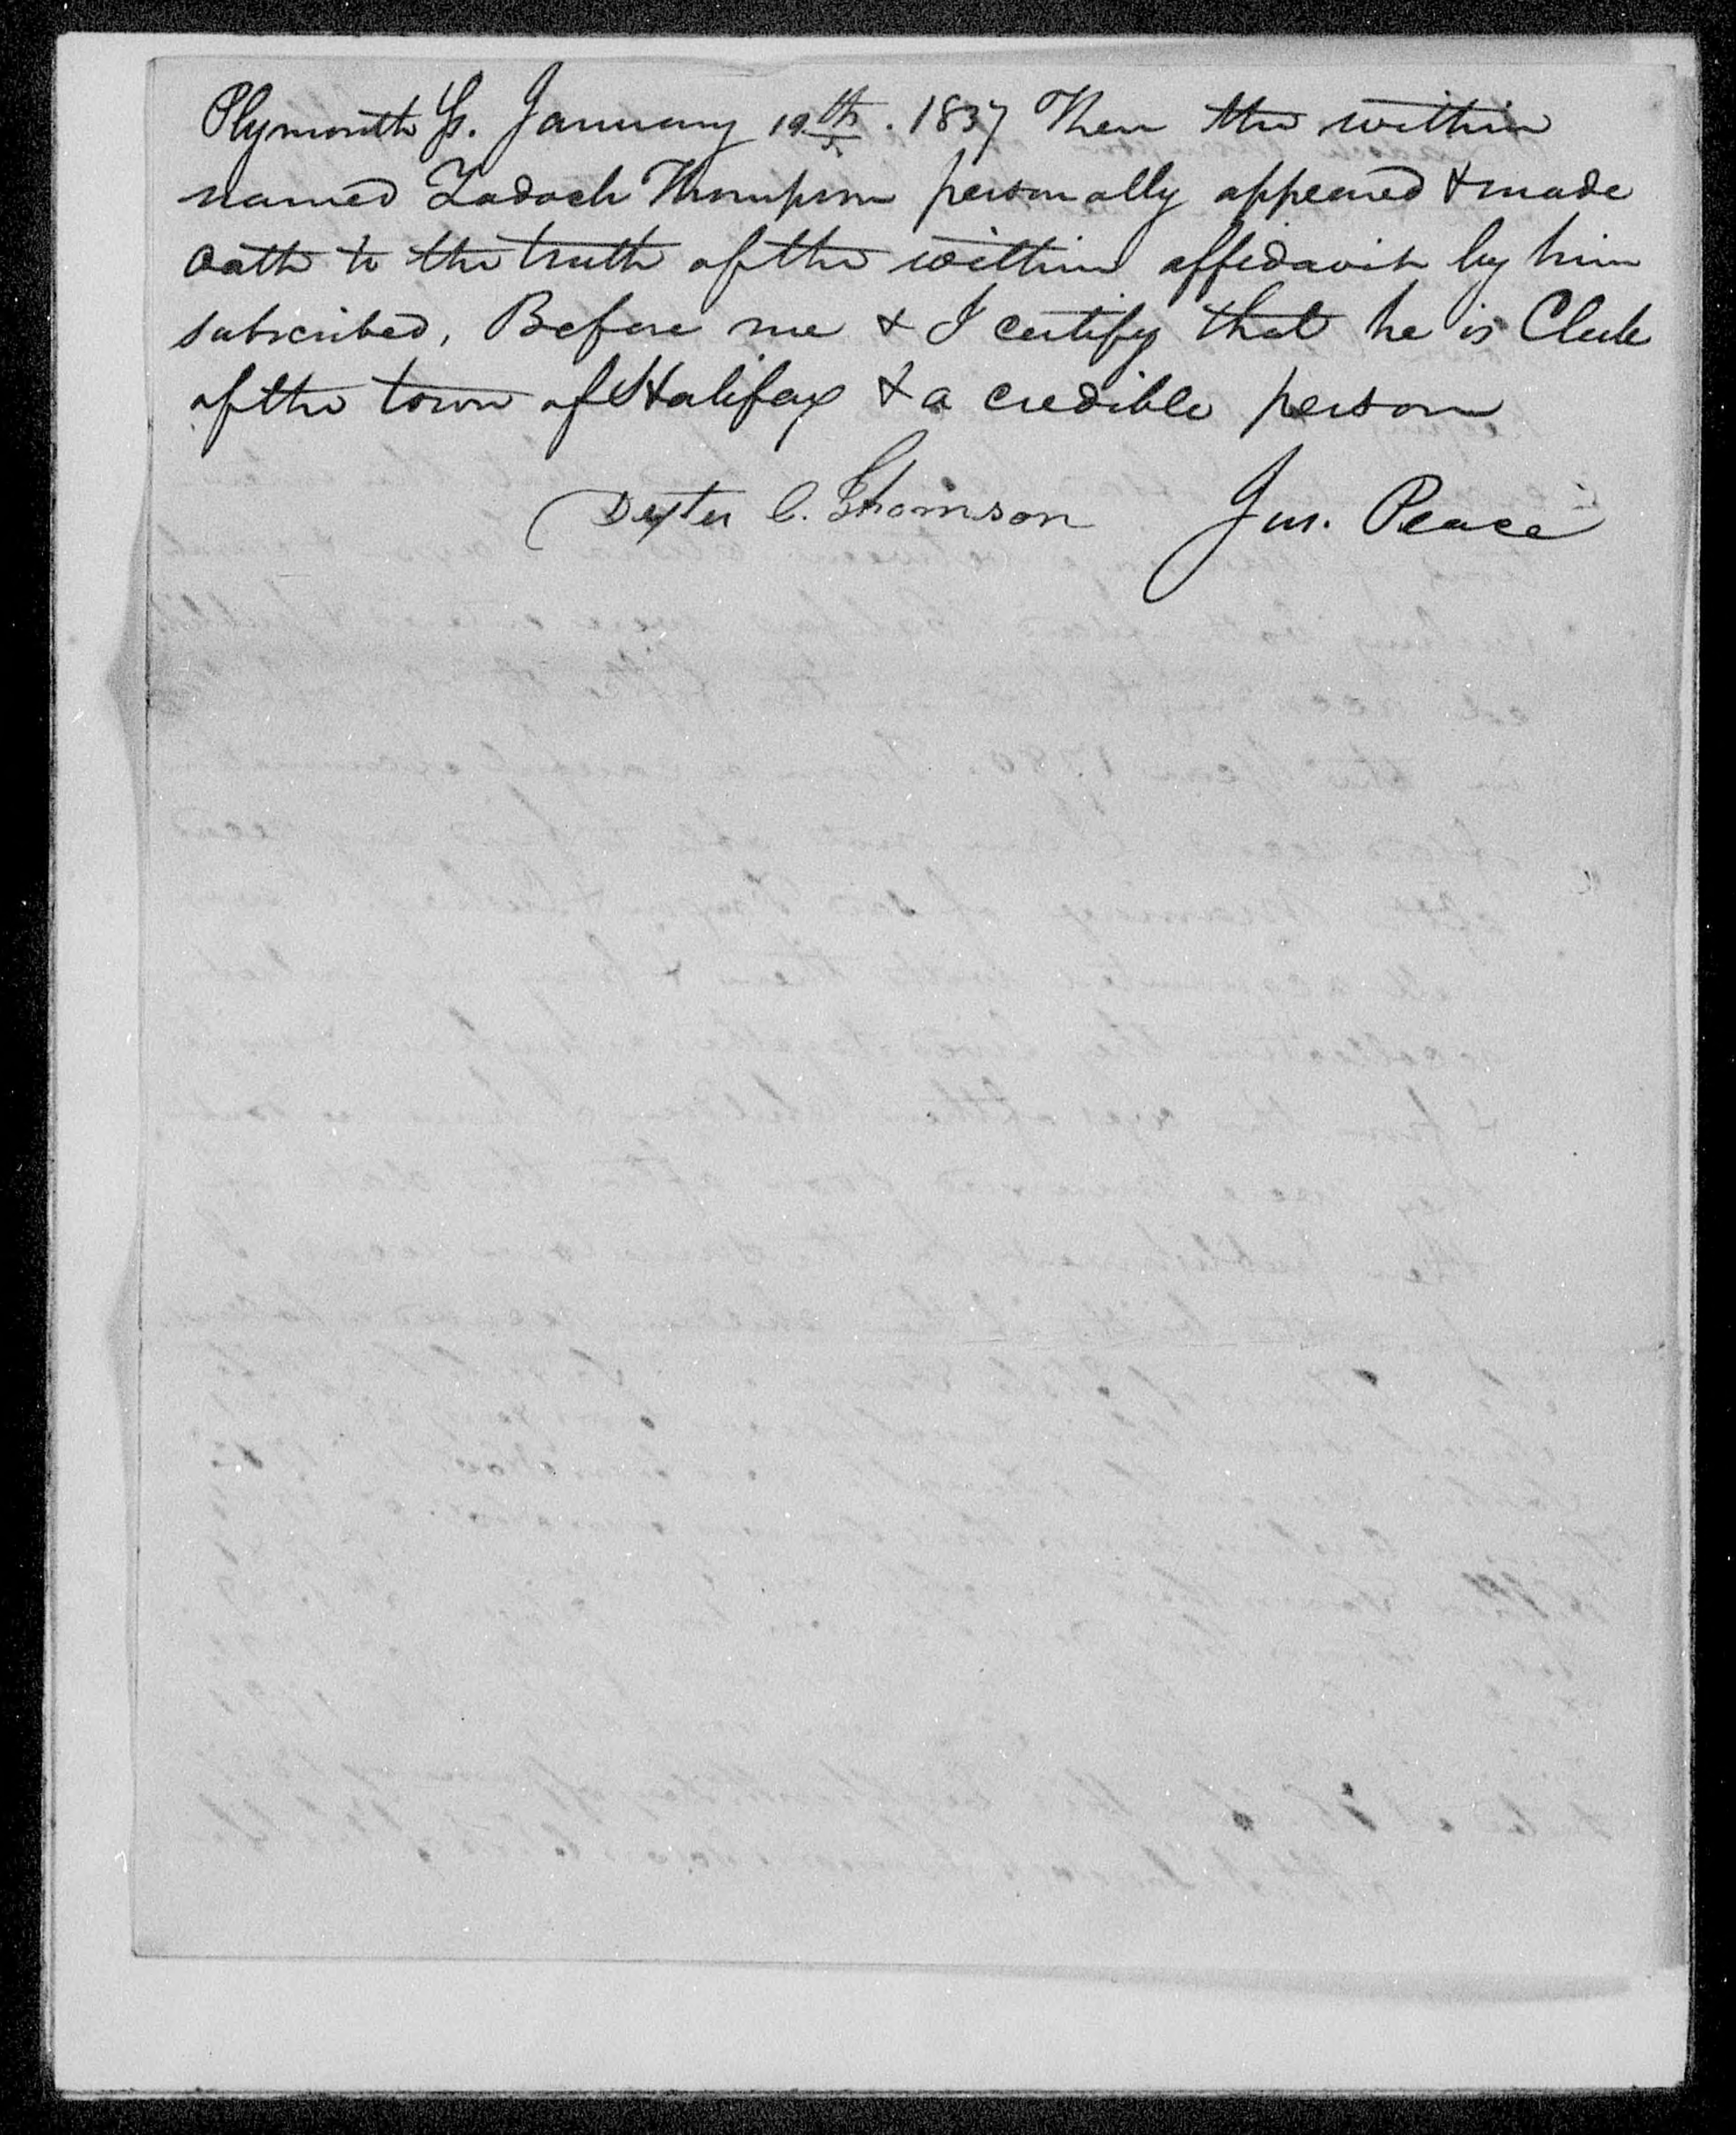Plymouth January 19th 1837 When the within named Zadock Thompson personally appeared and made oath to the truth of the within affidavit by him subscribed Before me and I certify that he is Clerk of the town of Halifax and a credible person
Dexter C. Thomson
Jus. Peace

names: Dexter C Thomson, Zadock Thompson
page: 11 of 47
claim: widow's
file: W. 14703, Elisha Faxon, Mass